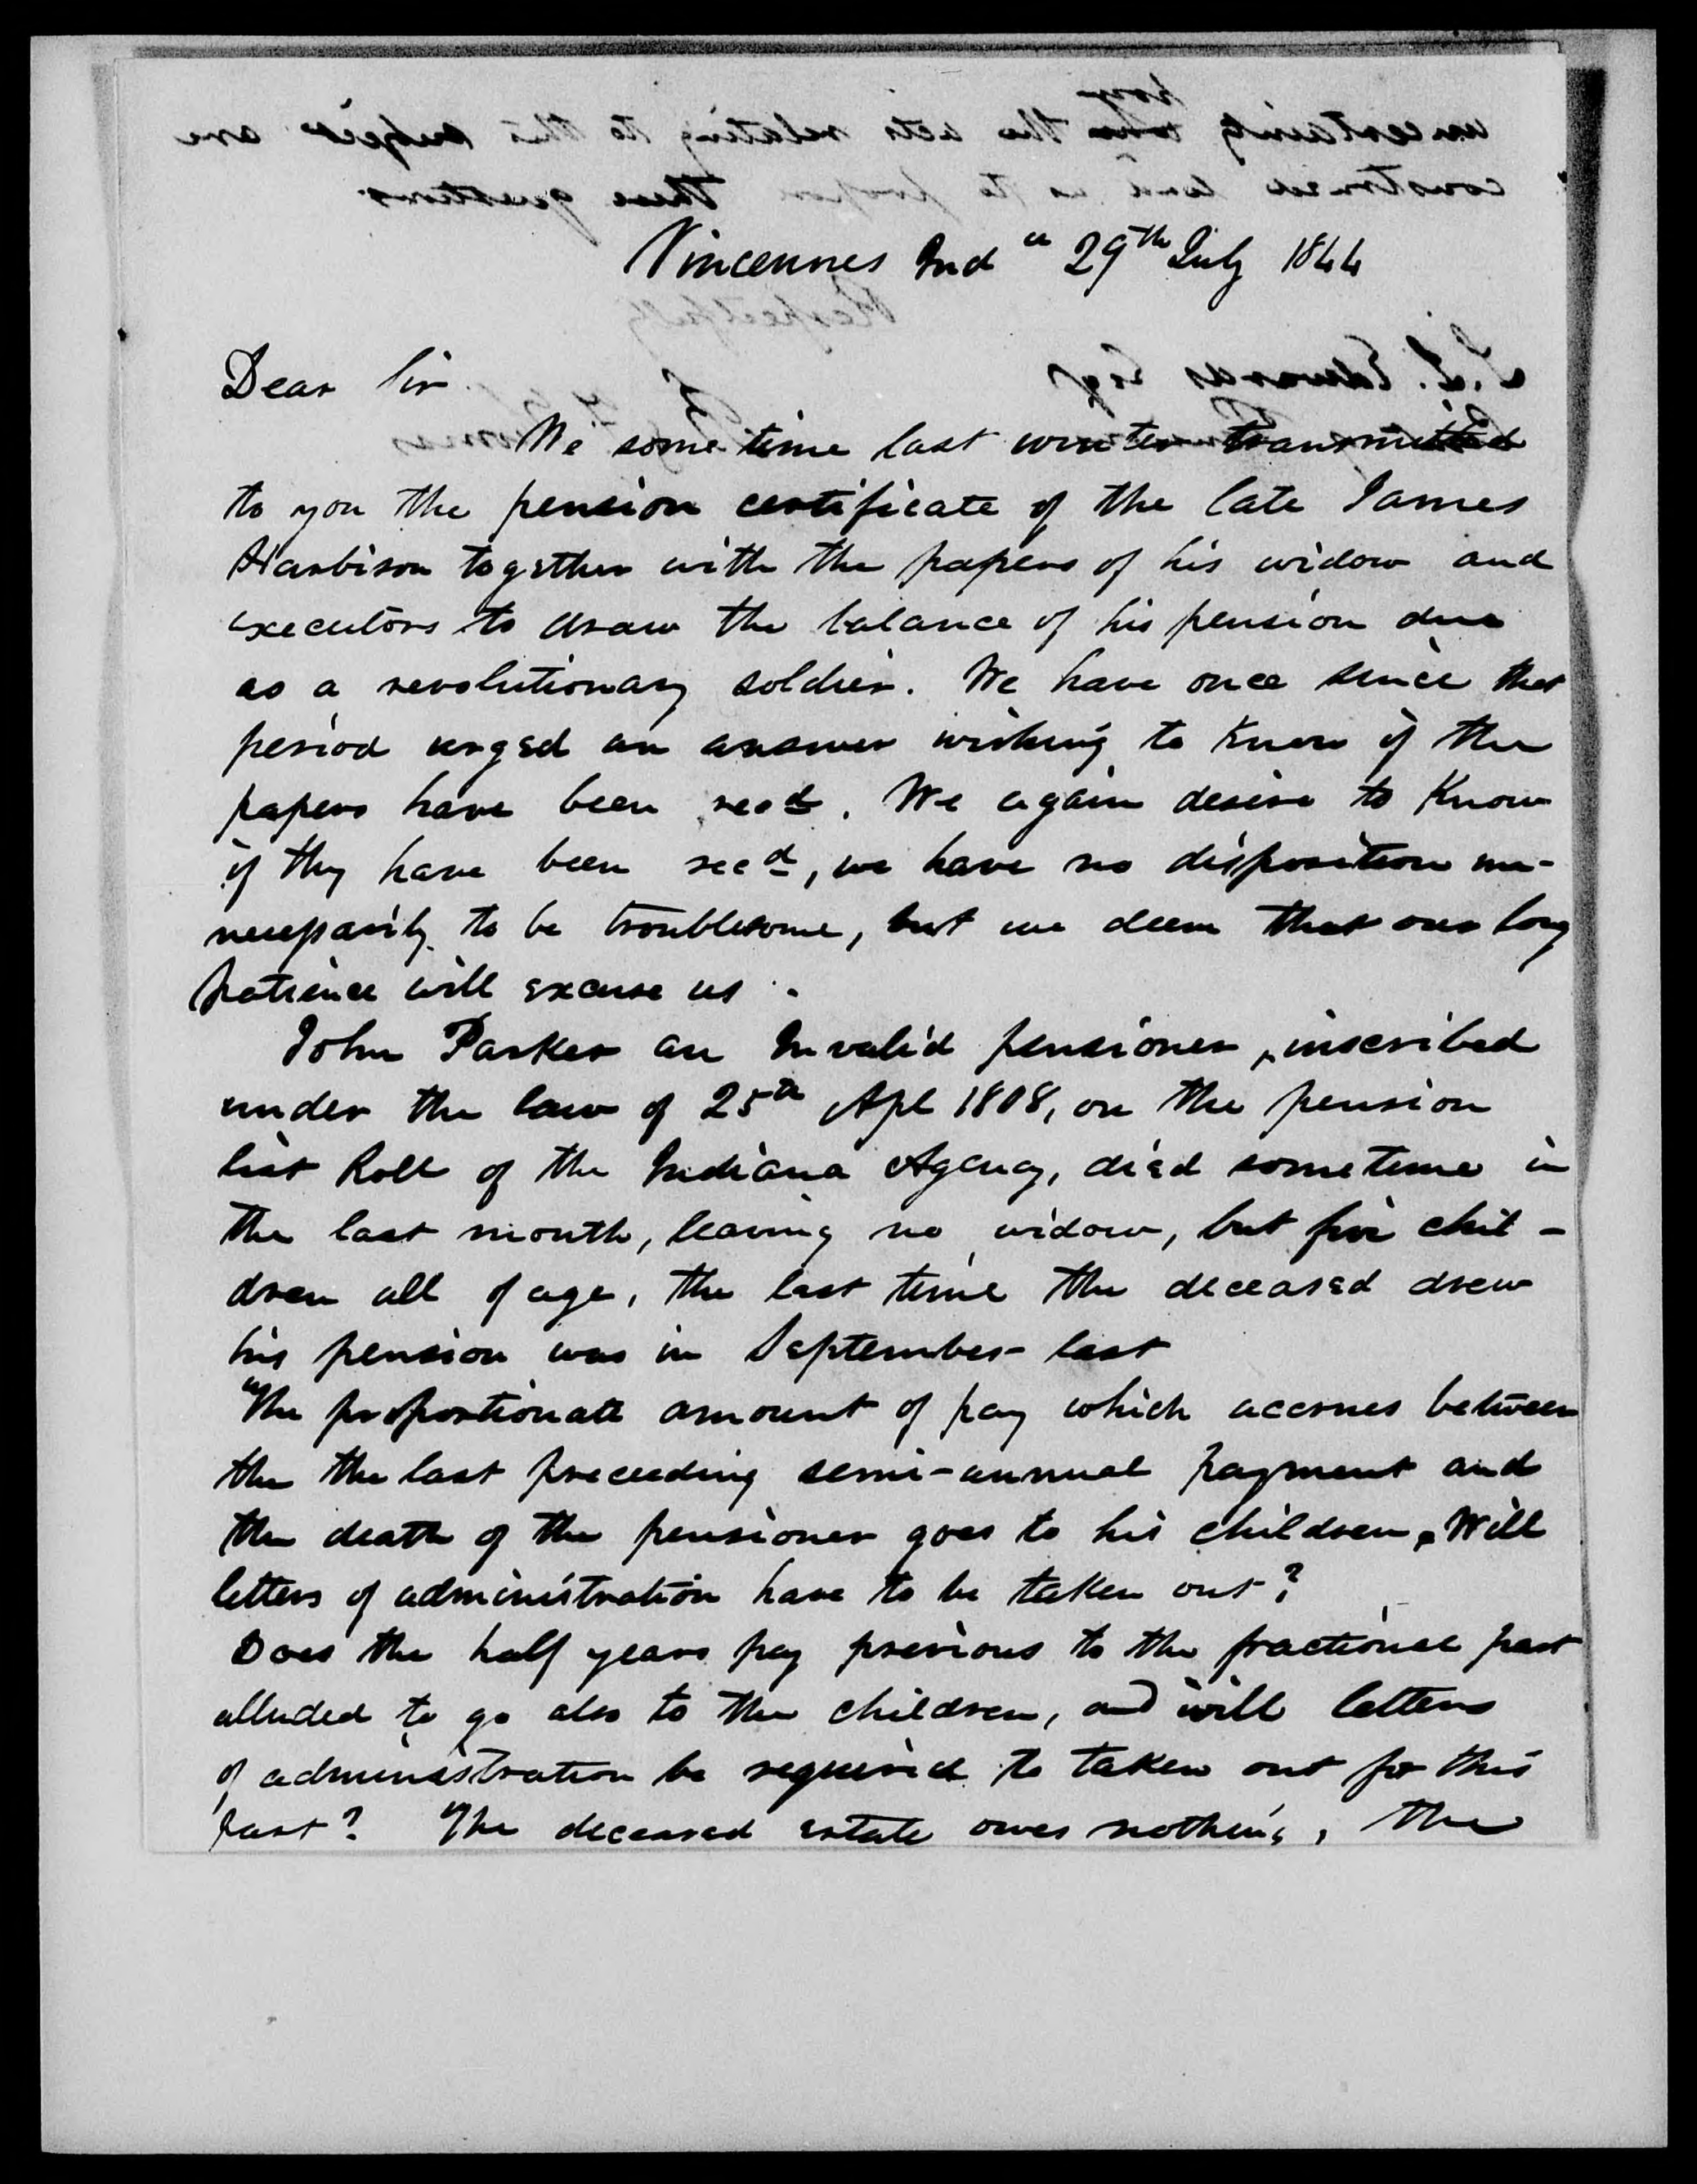Vincennes Ind u 29th July 1844

Dear Sir

We some time last winter transmitted to you the pension certificate of the late James Harbison together with the papers of his widow and executors to draw the balance of his pension due as a revolutionary soldier. We have once since this period ungsd [undersigned?] an answer wishing to know if the papers have been read. We again desire to know if they have been read, we have no disposition maneupariy [?] to be troublesome, but we deem that one by Setimer [September?] will sxouse [espouse?] us.

John Parker an invalid pensioner, inscribed under the law of 25th Apr 1808, on the pension list roll of the Indiana Agcug [accruing?], died sometime in the last month, leaving no widow, but for child - drew all of age, the last time the deceased drew his pension was in September last.

The proportionate amount of pay which accrued between the last preceeding semi - annual payment and the death of the pensioner goes to his children. Will letters of administration have to be taken out? Does the half years pay previous to the fractional pay alluded to go also to the children, and will letters of administration be required to taken out for this last? The deceased estate owes nothing, the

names: John Parker; James Harbison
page: 11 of 21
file: Old War Inv. File 26332, for John Parker, Other